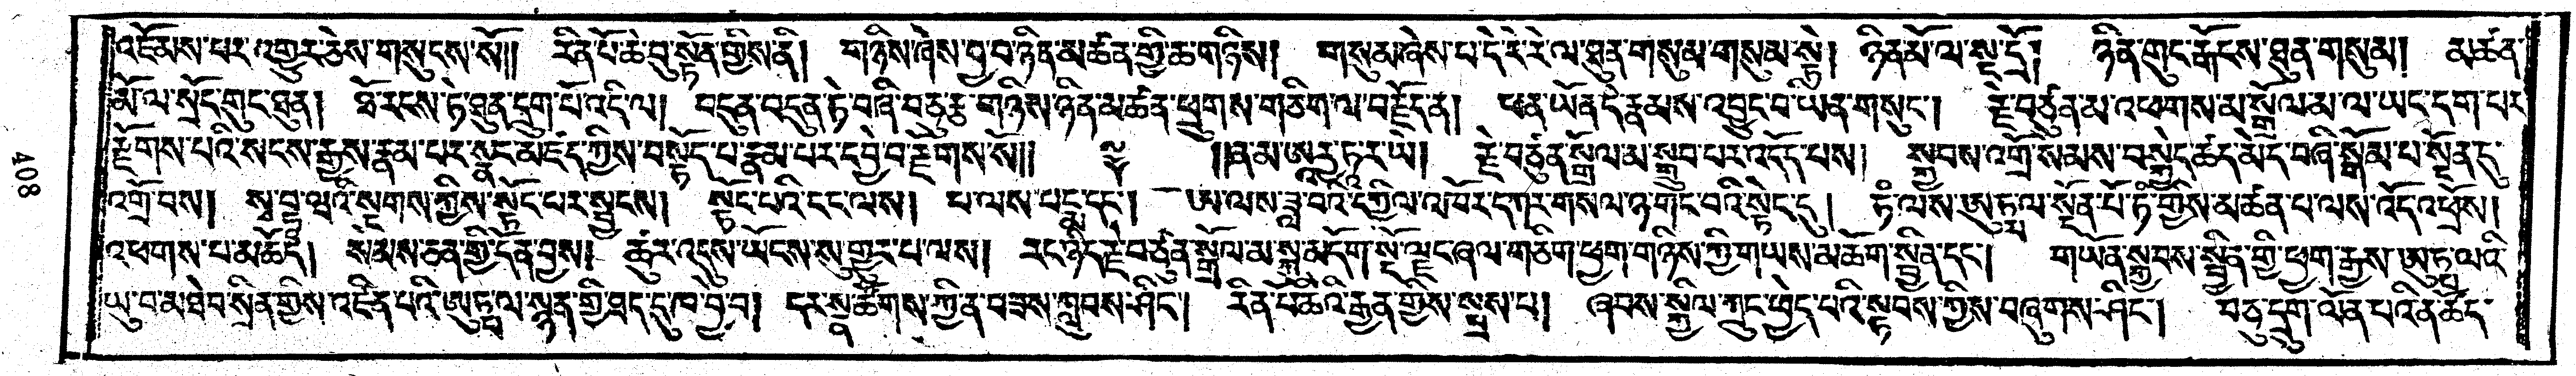འཇོམས་པར་འགྱུར་ཅེས་གསུངས་སོ།། རིན་པོ་ཆེ་བུ་སྟོན་གྱིས་ནི། གཉིས་ཞེས་བྱ་བ་ཉིན་མཚན་གྱི་ཆ་གཉིས། གསུམ་ཞེས་པ་དེ་རེ་རེ་ལ་ཐུན་གསུམ་གསུམ་སྟེ། ཉིན་མོ་ལ་སྔ་དྲོ། ཉིན་གུང་རྒོངས་ཐུན་གསུམ། མཚན་
མོ་ལ་སྲོང་གུང་ཐུན། ཐོ་རངས་ཏེ་ཐུན་དྲུག་པོ་འདི་ལ། བདུན་བདུན་ཏེ་བཞི་བཅུ་རྩ་གཉིས་ཉིན་མཚན་ཕྲུགས་གཅིག་ལ་བརྗོད་ན། ཕན་ཡོན་དེ་རྣམས་འབྱུང་བ་ཡིན་གསུང་། རྗེ་བཙུན་མ་འཕགས་མ་སྒྲོལ་མ་ལ་ཡང་དག་པར་
རྫོགས་པའི་སངས་རྒྱས་རྣམ་པར་སྣང་མཛད་ཀྱིས་བསྟོད་པ་རྣམ་པར་དབྱེ་བ་རྫོགས་སོ།། ༈ །།ན་མ་ཨཱརྱ་ཏཱ་ར་ཡེ། རྗེ་བཙུན་སྒྲོལ་མ་སྒྲུབ་པར་འདོད་པས། སྐྱབས་འགྲོ་སེམས་བསྐྱེད་ཚད་མེད་བཞི་སྒོམ་པ་སྔོན་དུ་
འགྲོ་བས། སྭ་བྷཱ་ཝའི་སྔགས་ཀྱིས་སྟོང་པར་སྦྱངས། སྟོང་པའི་ངང་ལས། པ་ལས་པདམ་དང་། ཨ་ལས་ཟླ་བའི་དཀྱིལ་འཁོར་དཀར་གསལ་ཉ་གང་བའི་སྟེང་དུ། ཏཾ་ལས་ཨུཏྤ་ལ་སྔོན་པོ་ཏཾ་གྱིས་མཚན་པ་ལས་འོད་འཕྲོས།
འཕགས་པ་མཆོད། སེམས་ཅན་གྱི་དོན་བྱས། ཚུར་འདུས་ཡོངས་སུ་གྱུར་པ་ལས། རང་ཉིད་རྗེ་བཙུན་སྒྲོལ་མ་སྐུ་མདོག་སྔོ་ལྗང་ཞལ་གཅིག་ཕྱག་གཉིས་ཀྱི་གཡས་མཆོག་སྦྱིན་དང་། གཡོན་སྐྱབས་སྦྱིན་གྱི་ཕྱག་རྒྱས་ཨུཏྤ་ལའི་
ཡུ་བ་མཐེབ་སྲིན་གྱིས་འཛིན་པའི་ཨུཏྤ་ལ་སྙན་གྱི་ཐད་དུ་ཁ་བྱེ་བ། དར་སྣ་ཚོགས་ཀྱི་ན་བཟས་ཀླུབས་ཤིང་། རིན་པོ་ཆེའི་རྒྱན་གྱིས་སྦྲས་པ། ཞབས་སྐྱིལ་ཀྲུང་ཕྱེད་པའི་སྟབས་ཀྱིས་བཞུགས་ཤིང་། བཅུ་དྲུག་ལོན་པའི་ན་ཚོད་